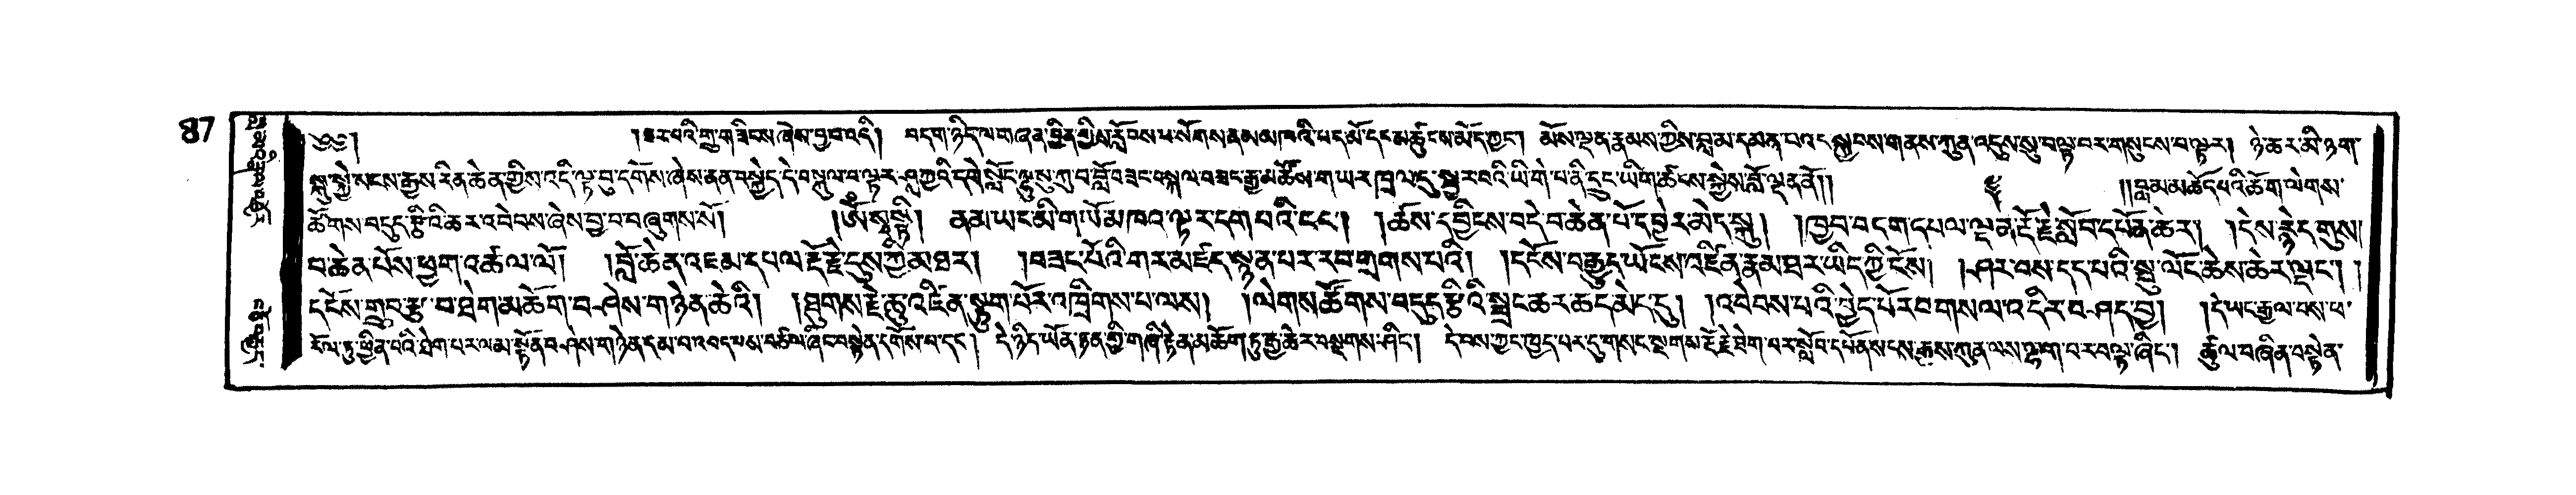༄༅། །ཐར་བའི་གྲུ་གཟིངས་ཞེས་བྱ་བ་འདི། བདག་ཉིད་ལ་གཞན་བྱིན་གྱིས་རློབས་པ་སོགས་ནམ་མཁའི་པད་མོ་དང་མཚུངས་མོད་ཀྱང་། མོས་ལྡན་རྣམས་ཀྱིས་བླ་མ་དམན་པའང་སྐྱབས་གནས་ཀུན་འདུས་སུ་བལྟ་བར་གསུངས་པ་ལྟར། ཉེ་ཆར་མི་ཉག་
སྐུ་སྐྱེ་སངས་རྒྱས་རིན་ཆེན་གྱིས་འདི་ལྟ་བུ་དགོས་ཞེས་ནན་བསྐྱེད་དེ་བསྐུལ་བ་ལྟར་ཤཱ་ཀྱའི་དགེ་སློང་ལྷུ་སུ་ཀུ་བ་བློ་བཟང་བསྐལ་བཟང་རྒྱ་མཚོས་གཡར་ཁྲལ་དུ་སྦྱར་བའི་ཡི་གེ་པ་ནི་དྲུང་ཡིག་ཚངས་སྐྱེས་བློ་ལྡན་ནོ།། ༈ །།བླ་མ་མཆོད་པའི་ཆོ་ག་ལེགས་
ཚོགས་བདུད་རྩིའི་ཆར་འབེབས་ཞེས་བྱ་བ་བཞུགས་སོ། །ཨོཾ་སྭཱ་སྟི། ནམ་ཡང་མི་གཡོ་མཁའ་ལྟར་དག་པའི་ངང་། །ཆོས་དབྱིངས་བདེ་བ་ཆེན་པོ་དབྱེར་མེད་སྐུ། །ཁྱབ་བདག་དཔལ་ལྡན་རྡོ་རྗེ་སློབ་དཔོན་ཆེར། །དེས་རྙེད་གུས།
བ་ཆེན་པོས་ཕྱག་འཚལ་ལོ། །བློ་ཆེན་འཇམ་དཔལ་རྡོ་རྗེ་དུས་ཀྱི་མཐར། །བཟང་པོའི་གར་མཛད་སྙན་པར་རབ་གྲགས་པའི། །དངོས་བརྒྱུད་ཡོངས་འཛིན་རྣམ་ཐར་ཡིད་ཀྱི་ངོས། །ཤར་བས་དད་པའི་སྦུ་ལོང་ཆེས་ཆེར་ལྡང་། །
དངོས་གྲུབ་རྩ་བ་ཐེག་མཆོག་བཤེས་གཉེན་ཆེའི། །ཐུགས་རྗེ་ཆུ་འཛིན་སྟུག་པོར་འཁྲིགས་པ་ལས། །ལེགས་ཚོགས་བདུད་རྩིའི་སྦྲང་ཆར་ཆད་མེད་དུ། །འབེབས་པའི་བྱེད་པོ་རབ་གསལ་འདིར་བཤད་བྱ། །དེ་ཡང་རྒྱལ་བས་ཕ་
རོལ་ཏུ་ཕྱིན་པའི་ཐེག་པར་ལམ་སྟོན་བཤེས་གཉེན་དམ་པ་འབད་པས་བཙལ་ཞིང་བསྟེན་དགོས་པ་དང་། དེ་ཉིད་ཡོན་ཏན་གྱི་གཞི་རྟེན་མཆོག་ཏུ་རྒྱ་ཆེར་བསྔགས་ཤིང་། དེ་བས་ཀྱང་ཁྱད་པར་དུ་གསང་སྔགས་རྡོ་རྗེ་ཐེག་པར་སློབ་དཔོན་སངས་རྒྱས་ཀུན་ལས་ལྷག་པར་བལྟ་ཞིང་། ཚུལ་བཞིན་བསྟེན་